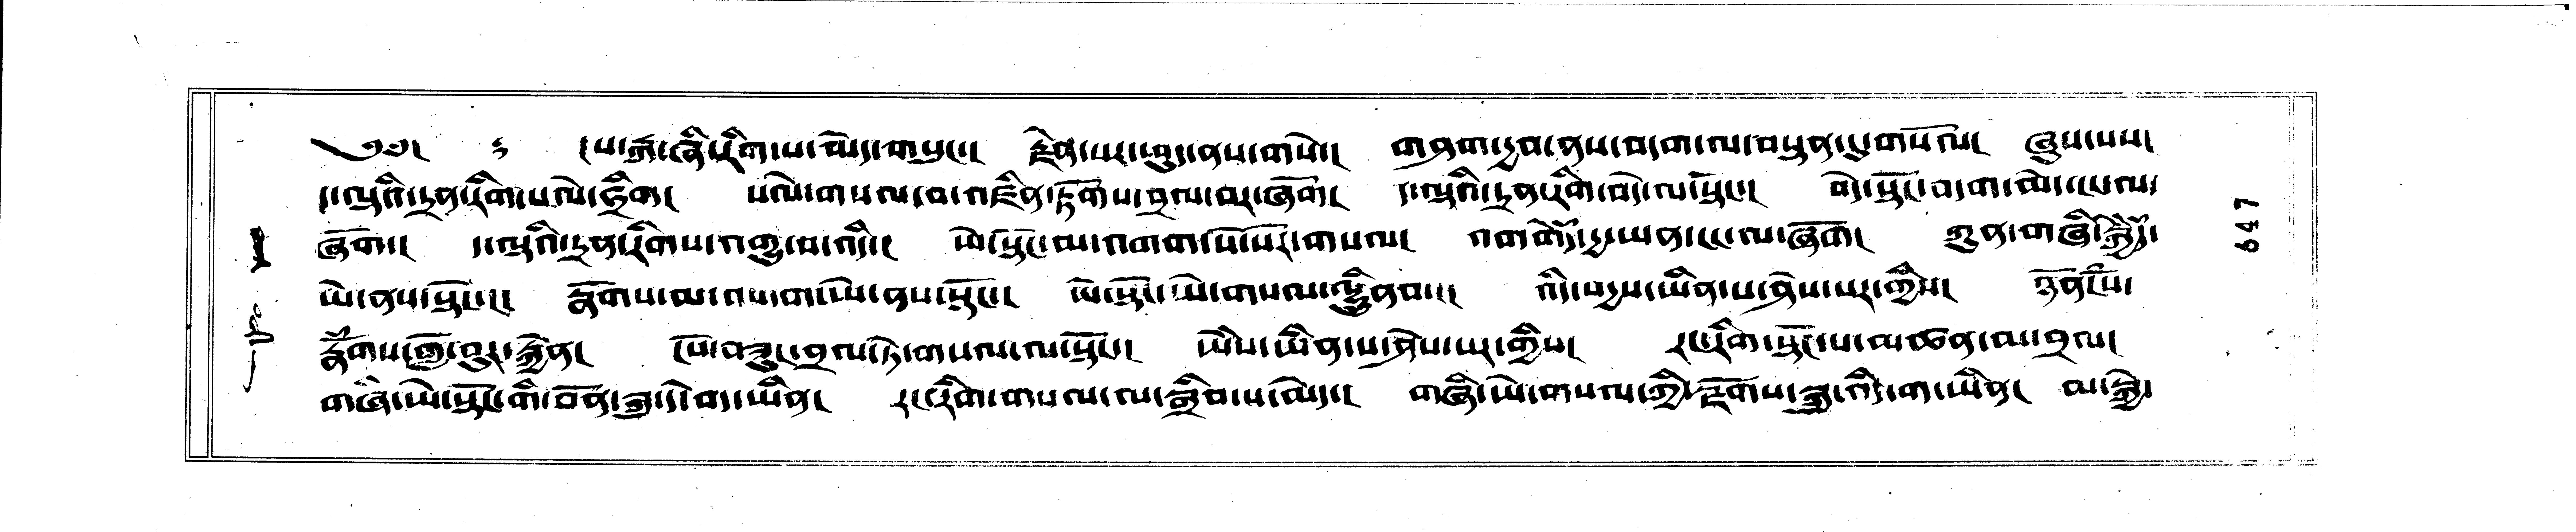པར་དཀའ་ཞིང་རིག་པ་མེད་གསུངས། རྗེན་པར་ཕུད་ནས་བསྲེ་བཤག་རྒྱབ་ནས་བདག་ལ་བསྟན་པར་ཞུ་བྱས་ཙ། 
ད་ལྟའི་དྲན་རིག་སལེ་གསལ། གསལ་ལ་འཛིན་མེད་བྲལ་བར་ཞོག ད་ལྟའི་དྲན་རིག་བདེ་ལ་སྟོང་། བདེ་སྟོང་བདག་མེད་ངང་ལ་
ཞོག ད་ལྟའི་དྲན་རིག་འགྱུ་བ་འདི། ཡེ་སྟོང་མ་འགག་སོ་སོ་གསལ། འགག་མེད་རྒྱ་ཡན་ངང་ལ་ཞོག ཀུན་གཞི་སྐྱེ་མེད་
ཡེ་ནས་སྟོང་། སྣ་ཚོགས་འགག་མེད་དབྱིངས་སུ་གསལ། ཡེ་སྟོང་ཡེ་གསལ་ལྷུན་གྱིས་གྲུབ། འདི་སངས་རྒྱས་ཡིན་པས་ཤེས་པར་གྱིས། ཉོན་མོངས་
རྣམ་རྟོག་གློ་བུར་སྐྱེ། ངོས་བཟུང་བྲལ་སྟེ་ཡེ་ནས་སྟོང་། འདི་ཡེ་ཤེས་ཡིན་པས་ཤེས་པར་གྱིས། ཉོན་མོངས་རྣམས་རྟོག་རང་རིག་སྟོང་ལ་མཚན་མ་བྲལ། 
གཞི་ཡེ་སྟོང་བོན་སྐུ་དེ་ཀ་ཡིན། རང་རིག་གསལ་ལ་སྒྲིབས་པ་མེད། གཞི་ཡེ་གསལ་གྱི་རྫོགས་སྐུ་དེ་ཀ་ཡིན། རང་རིག་འཕྲོ་རྒོད་རང་སར་གྲོལ། གཞི་ཡེ་འབྱུང་གི་སྤྲུལ་སྐུ་དེ་ཀ་ཡིན། སྐུ་གསུམ་ངོའོ་སེམས་ཉིད་ཡིན། སེམས་ཉིད་རང་ཆས་དེ་ཀ་ཡིན། མ་སྐྱེས་